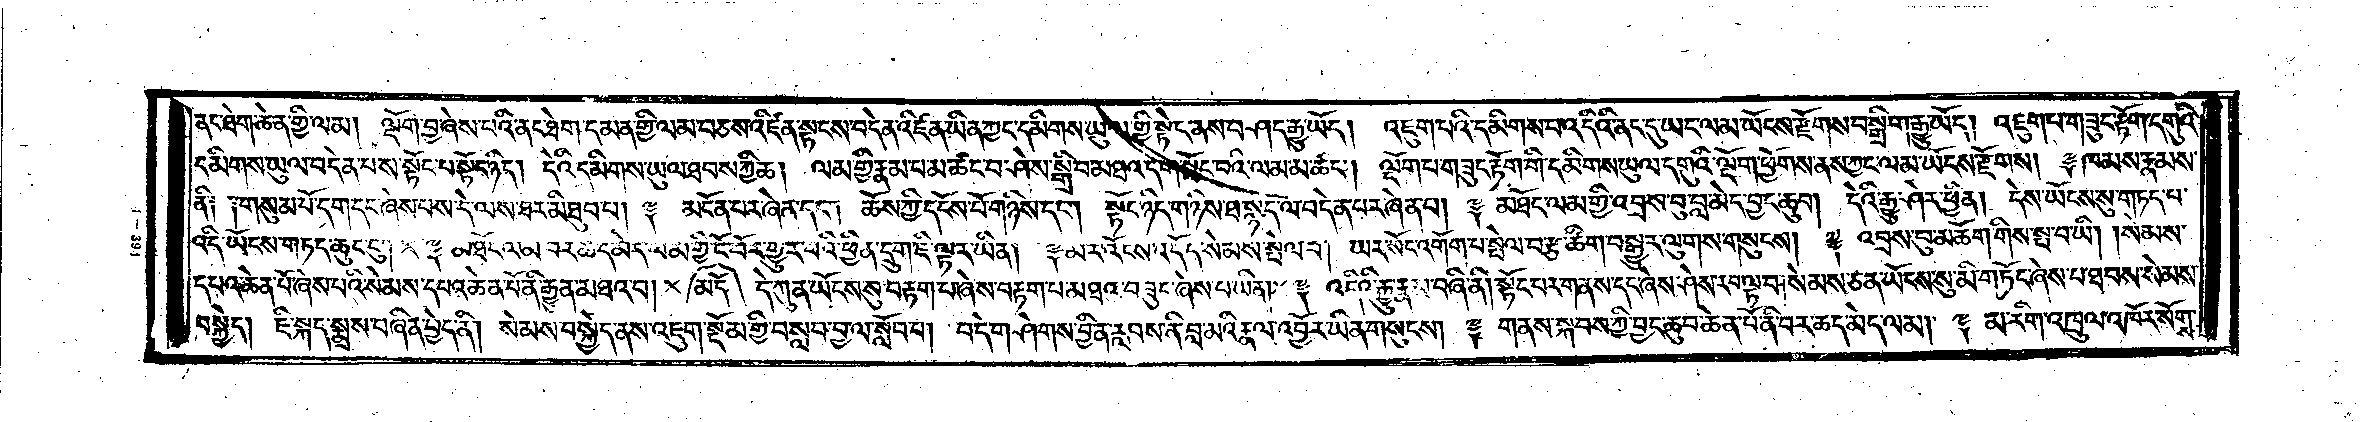ནང་ཐེག་ཆེན་གྱི་ལམ། ལྡོག་བྱ་ཞེས་པའི་ནང་ཐེག་དམན་གྱི་ལམ་བཅས་འཛིན་སྟངས་བདེན་འཛིན་ཡིན་ཀྱང་དམིགས་ཡུལ་གྱི་སྟེང་ནས་བཤད་རྒྱུ་ཡོད། འཇུག་པའི་དམིགས་པ་འདིའི་ནང་དུ་ཡང་ལམ་ཡོངས་རྫོགས་བསྒྲིག་རྒྱུ་ཡོད། འཇུག་པ་གཟུང་རྟོག་དགུའི་
དམིགས་ཡུལ་བདེན་པས་སྟོང་པ་སྟོང་ཉིད། དེའི་དམིགས་ཡུལ་ཐབས་ཀྱི་ཆ། ལམ་གྱི་རྣམ་པ་མ་ཚང་བ་ཤེས་སྒྲིབ་མཐའ་དག་སྤོང་བའི་ལམ་མ་ཚང་། ལྡོག་པ་གཟུང་རྟོག་གི་དམིགས་ཡུལ་དགུའི་ལྡོག་ཕྱོགས་ནས་ཀྱང་ལམ་ཡོངས་རྫོགས། ༈ ཁམས་རྣམས་
ནི༑ ༑གསུམ་པོ་དག་དང་ཞེས་པས་དེ་ལས་ཐར་མི་ཐུབ་པ། ༈ མངོན་པར་ཞེན་དང་། ཆོས་ཀྱི་དངོས་པོ་གཉིས་དང་། སྟོང་ཉིད་གཉིས་ཐ་སྙད་ལ་བདེན་པར་ཞེན་པ། ༈ མཐོང་ལམ་གྱི་འབྲས་བུ་བླ་མེད་བྱང་ཆུབ། དེའི་རྒྱུ་ཤེར་ཕྱིན། དེས་ཡོངས་སུ་གཏད་པ་
འདི་ཡོངས་གཏད་ཆུང་དུ། ྾་༈ མཐོང་ལམ་བར་ཆད་མེད་ལམ་གྱི་ངོ་བོར་གྱུར་བའི་ཕྱིན་དྲུག་ཇི་ལྟར་ཡིན། ༈ མར་འོངས་འདོད་སེམས་སྤེལ་བ། ཡར་སོང་འགོག་པ་སྤེལ་བརྩ་ཚིག་བསྒྱུར་ལུགས་གསུངས། ༈ འབྲས་བུ་མཆོག་གིས་སྤ་བ་ཡི། །སེམས་
དཔའ་ཆེན་པོ་ཞེས་པའི་སེམས་དཔའ་ཆེན་པོ་ནི་རྒྱུན་མཐའ་བ། ྾ ༼མདོ༽ དེ་ཀུན་ཡོངས་སུ་བརྟག་པ་ཞེས་བརྟག་པ་མཐའ་བཟུང་ཞེས་པ་ཡིན། ྾་༈ འདིའི་རྒྱུ་རྣམ་བཞི་ནི། སྟོང་པར་གནས་དང་ཞེས་ཤེས་རབ་ལྟ་བ། སེམས་ཅན་ཡོངས་སུ་མི་གཏོང་ཞེས་པ་ཐབས་སེམས་
བསྐྱེད། ཇི་སྐད་སྨྲས་བཞིན་བྱེད་ནི། སེམས་བསྐྱེད་ནས་འཇུག་སྡོམ་གྱི་བསླབ་བྱ་ལ་སློབ་པ། བདེ་གཤེགས་བྱིན་རླབས་ནི་བླ་མའི་རྣལ་འབྱོར་ཡིན་གསུངས། ༈ གནས་སྐབས་ཀྱི་བྱང་ཆུབ་ཆེན་པོ་ནི་བར་ཆད་མེད་ལམ། ༈ མ་རིག་འཁྲུལ་འཁོར་སོགས་